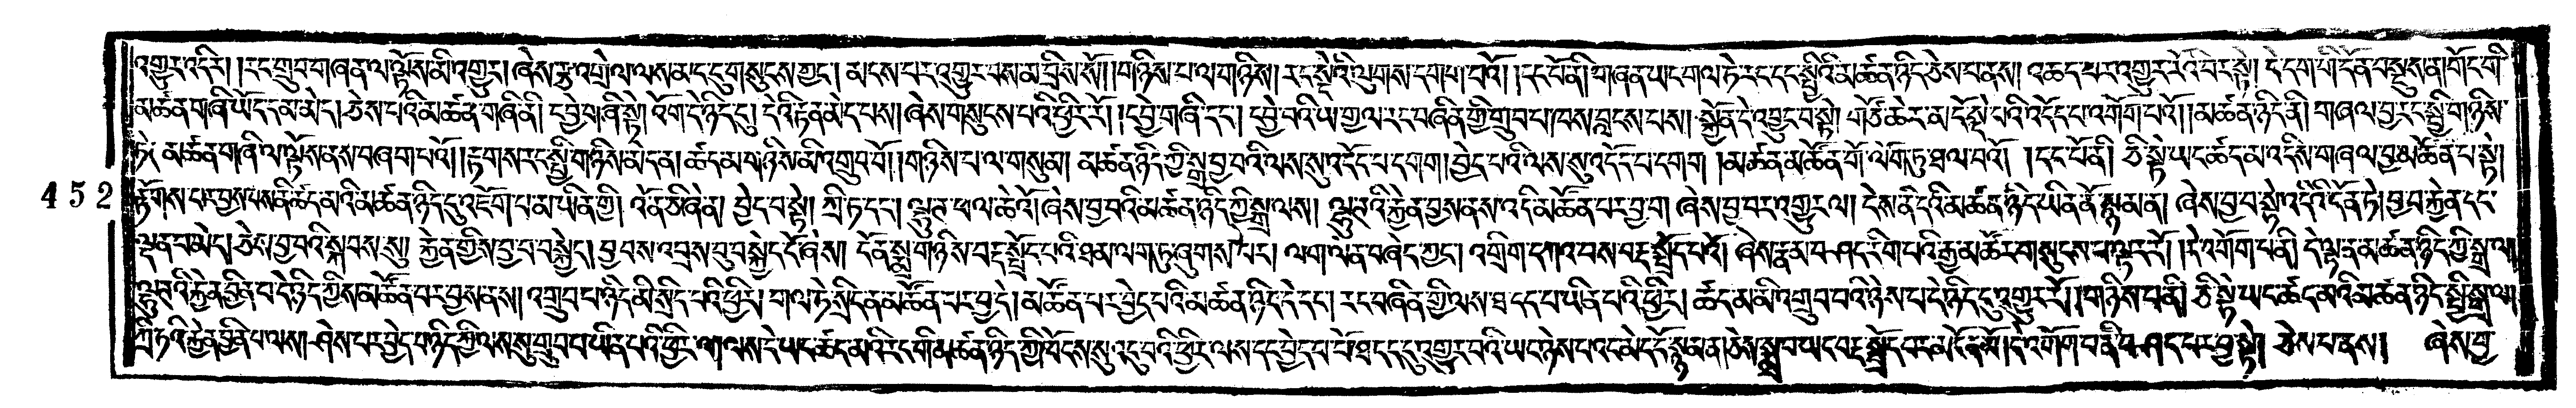འགྱུར་འདིར། །རང་གྲུབ་གཞན་ལ་ལྟོས་མི་འགྱུར། ཞེས་རྩ་འགྲེལ་ལས་མང་དུ་གསུངས་ཀྱང་། མངས་པར་འགྱུར་བས་མ་བྲིས་སོ། །གཉིས་པ་ལ་གཉིས། རང་སྡེའི་ལུགས་དགག་པའོ། །དང་པོ་ནི། གཞན་ཡང་གལ་ཏེ་རང་དང་སྤྱིའི་མཚན་ཉིད་ཅེས་པ་ནས། འཆད་པར་འགྱུར་རོའི་བར་སྟེ། དེ་དག་གི་དོན་བསྡུས་ན། གོང་གི་
མཚན་གཞི་ཡོད་དམ་མེད། ཅེས་པའི་མཚན་གཞི་ནི། དབྱེ་གཞི་སྟེ། འོག་དེ་ཉིད་དུ། དེའི་རྟན་མེད་པས། ཞེས་གསུངས་པའི་ཕྱིར་རོ། །དབྱེ་གཞི་དང་། དབྱེ་བའི་ཡ་གྱལ་རང་བཞིན་གྱི་གྲུབ་པ་ཁས་བླངས་པས། སྐྱོན་དེ་འབྱུང་བ་སྟེ། གཙོ་ཆེར་མདོ་སྡེ་པའི་འདོད་པ་འགོག་པའོ། །མཚན་ཉིད་ནི། གཞལ་བྱ་རང་སྤྱི་གཉིས་
ཏེ༑ མཚན་གཞི་ལ་ལྟོས་ནས་བཞག་པའོ། །རྟགས་རང་སྤྱི་གཉིས་མེད་ན། ཚད་མ་གཉིས་མི་འགྲུབ་བོ། །གཉིས་པ་ལ་གསུམ། མཚན་ཉིད་ཀྱི་སྒྲ་བྱ་བའི་ལས་སུ་འདོད་པ་དགག། བྱེད་པའི་ལས་སུ་འདོད་པ་དགག །མཚན་མཚོན་གོ་ལོག་ཏུ་ཐལ་བའོ། །དང་པོ་ནི། ཅི་སྟེ་ཡང་ཚད་མ་འདིས་གཞལ་བྱ་མཚོན་པ་སྟེ།
རྟོགས་པར་བྱས་པས་ནི་ཚད་མའི་མཚན་ཉིད་དུ་འཇོག་པ་མ་ཡིན་གྱི། འོ་ན་ཅི་ཞེ་ན། བྱེད་པ་སྟེ། ཀྲི་ཏ་དང་། ལྷུ་ཊ་ཕལ་ཆེའོ། ཞེས་བྱ་བའི་མཚན་ཉིད་ཀྱི་སྒྲ་ལས། ལྷུ་ཊའི་རྐྱེན་བྱས་ནས་འདི་མཚོན་པར་བྱ་བ། ཞེས་བྱ་བར་འགྱུར་ལ། དེས་ན་དེའི་མཚན་ཉིད་ཡིན་ནོ་སྙམ་ན། ཞེས་བྱ་བ་སྟེ་འདིའི་དོན་ཏེ། བྱ་བ་རྐྱེན་དང་
ལྡན་པ་མེད། ཅེས་བྱ་བའི་སྐབས་སུ། རྐྱེན་གྱིས་བྱ་བ་བསྐྱེད། བྱ་བས་འབྲས་བུ་བསྐྱེད་དོ་ཞེས། དོན་སྨྲ་གཉིས་བརྡ་སྤྲོད་པའི་ཐམ་ལག་ཏུ་ཞུགས་པར། ལག་ལེན་བཞེད་ཀྱང་། འགྲིག་དཀའ་བས་བརྡ་སྤྲོད་པའོ། ཞེས་རྣམ་བཤད་རིག་པའི་རྒྱ་མཚོར་གསུངས་པ་ལྟར་རོ། །དེ་འགོག་པ་ནི། དེ་ལྟ་ན་མཚན་ཉིད་ཀྱི་སྒྲ་ལ་
ལྷུ་ཊའི་རྐྱེན་བྱིན་བ་དེ་ཉིད་ཀྱིས་མཚོན་བར་བྱས་ནས། འགྲུབ་པ་ཉིད་མི་སྲིད་པའི་ཕྱིར། གལ་ཏེ་སྲིད་ན་མཚོན་པར་བྱ་དེ། མཚོན་པར་བྱེད་པའི་མཚན་ཉིད་དེ་དང་། རང་བཞིན་གྱི་ལས་ཐ་དད་པ་ཡིན་པའི་ཕྱིར། ཚད་མ་མི་འགྲུབ་བའི་ཉེས་པ་དེ་ཉིད་དུ་འགྱུར་རོ། །གཉིས་པ་ནི། ཅི་སྟེ་ཡང་ཚད་མའི་མཚན་ཉིད་སྤྱི་སྒྲ་ལ།
ཀྲི་ཏའི་རྐྱེན་བྱིན་པ་ལས། ཤེས་པར་བྱེད་པ་ཉིད་ཀྱི་ལས་སུ་གྲུབ་པ་ཡིན་པའི་ཕྱིར་ལ། ལས་དེ་ཡང་ཚད་མའི་རང་གི་མཚན་ཉིད་ཀྱི་ཁོངས་སུ་འདུ་བའི་ཕྱིར་ལས་དང་བྱེད་པ་པོ་ཐ་དད་དུ་འགྱུར་བའི་ཡང་ཉེས་པའང་མེད་དོ་སྙམ་ན། ཅེས་སྨྲ་བ་ཡང་བརྡ་སྤྲོད་བར་མངོན་ནོ། །དེ་འགོག་པ་ན་བཤད་པར་བྱ་སྟེ། ཅེས་པ་ནས། ཞེས་བྱ་